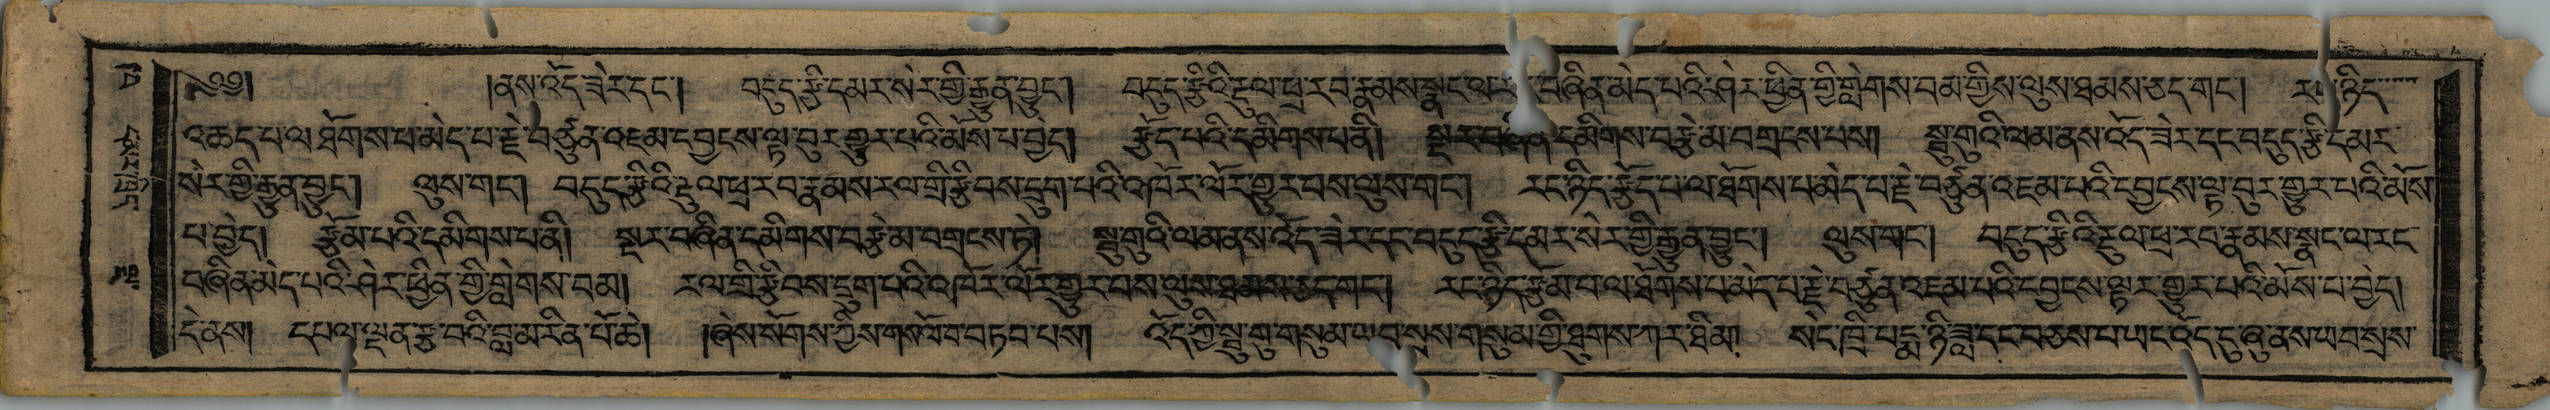༄༅། །ནས་འོད་ཟེར་དང་། བདུད་རྩི་དམར་སེར་གྱི་རྒྱུན་བྱུང་། བདུད་རྩིའི་རྡུལ་ཕྲ་རབ་རྣམས་སྣང་ལ་རང་བཞིན་མེད་པའི་ཤེར་ཕྱིན་གྱི་གླེགས་བམ་གྱིས་ལུས་ཐམས་ཅད་གང་། རང་ཉིད་
འཆད་བ་ལ་ཐོགས་པ་མེད་པ་རྗེ་བཙུན་འཇམ་དབྱངས་ལྟ་བུར་གྱུར་པའི་མོས་པ་བྱེད། རྩོད་པའི་དམིགས་པ་ནི། སྔར་བཞིན་དམིགས་བརྩེ་མ་བགྲངས་པས། སྤུ་གུའི་ལམ་ནས་འོད་ཟེར་དང་བདུད་རྩི་དམར་
སེར་གྱི་རྒྱུན་བྱུང་། ལུས་གང་། བདུད་རྩིའི་རྡུལ་ཕྲ་རབ་རྣམས་རལ་གྲི་རྩིབས་དྲུག་པའི་འཁོར་ལོར་གྱུར་པས་ལུས་གང་། རང་ཉིད་རྩོད་པ་ལ་ཐོགས་པ་མེད་པ་རྗེ་བཙུན་འཇམ་པའི་དབྱངས་ལྟ་བུར་གྱུར་བའི་མོས་
པ་བྱེད། རྩོམ་པའི་དམིགས་པ་ནི། སྔར་བཞིན་དམིགས་བརྩེ་མ་བགྲངས་ཏེ། སྤུ་གུའི་ལམ་ནས་འོད་ཟེར་དང་བདུད་རྩི་དམར་སེར་གྱི་རྒྱུན་བྱུང་། ལུས་གང་། བདུད་རྩིའི་རྡུལ་ཕྲ་རབ་རྣམས་སྣང་ལ་རང་
བཞིན་མེད་པའི་ཤེར་ཕྱིན་གྱི་གླེགས་བམ། རལ་གྲི་རྩིབས་དྲུག་པའི་འཁོར་ལོར་གྱུར་པས་ལུས་ཐམས་ཅད་གང་། རང་ཉིད་རྩོམ་པ་ལ་ཐོགས་པ་མེད་པ་རྗེ་བཙུན་འཇམ་པའི་དབྱངས་ལྟར་གྱུར་པའི་མོས་བ་བྱེད།
དེ་ནས། དཔལ་ལྡན་རྩ་བའི་བླ་མ་རིན་པོ་ཆེ། །ཞེས་སོགས་ཀྱིས་གསོལ་བ་བཏབ་པས། འོད་ཀྱི་སྤུ་གུ་གསུམ་ཡབ་སྲས་གསུམ་གྱི་ཐུགས་ཀར་ཐིམ། སེང་ཁྲི་པདམ་ཉི་ཟླ་དང་བཅས་པ་ཡང་འོད་དུ་ཞུ་ནས་ཡང་སྲས་